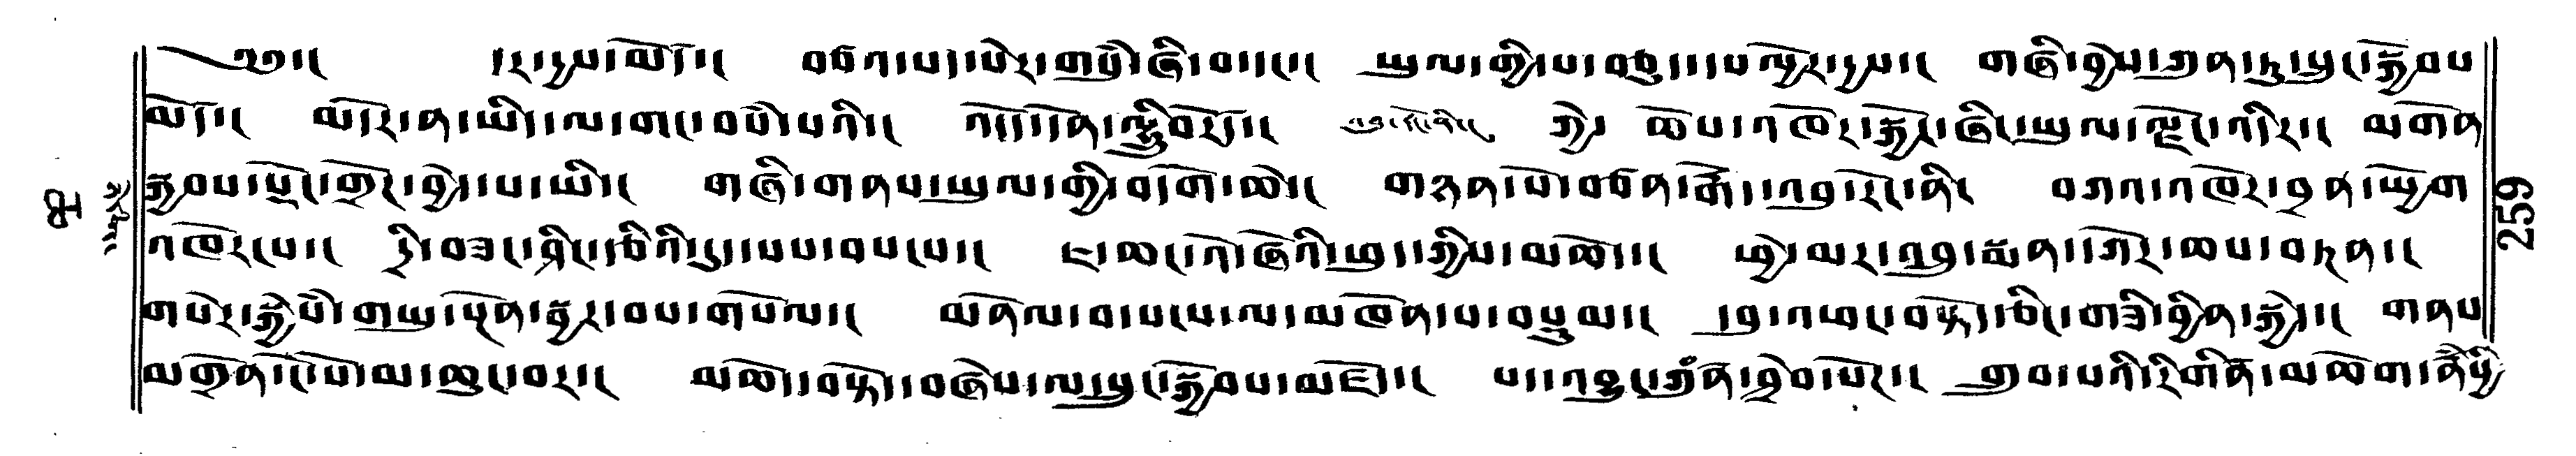དར་རྒྱས་མཛོད། །བཙའ་སད་སེར་གསུམ་ཞི་བ་དང་། །ཡུལ་གྱི་ས་བཅུད་དཔལ་འབྱོར་རྒྱས། །གཞིས་བྱེས་ཀུན་ཏུ་སྲུང་སྐྱོབས་
མཛོད། །མདོར་ན་ཡིད་ལ་གང་བསམ་པའི། །འདོད་དོན་ལྷུན་གྱིས་གྲུབ་པར་མཛོད། ། འབུ་རོང་ནི། ཀྱཻ། །ཆོས་འཁོར་སྐྱོང་ཞིང་ཡུལ་ལྗོངས་འདིར། །མགོན་
སྐྱབས་སྡོང་གྲོགས་བྱེད་པ་ཡི། །གཞི་གནས་ཡུལ་གྱི་བདག་པོ་ཆེ། །གཉན་པོ་བཙན་རྒོད་འབུ་རོང་ནི། །བཀའ་འཁོར་བྲན་གཡོག་
འཁོར་དང་བཅས། །དྲི་བཟང་ཤིང་རྩིའི་དུད་པས་བསངས། །ཇ་ཆང་འོ་ཞོའི་ཕུད་ཀྱིས་མཆོད། །ཕྱེ་མར་འབྲུ་སྨན་དཀོར་ཆས་བརྔན། །
གསེར་སྐྱེམས་གཡུ་སྔོན་སྦྱར་བས་གསོལ། །མནོལ་བ་སངས་ལ་མཁོན་པ་བསྡུམ། །དབུ་འཕང་བསྟོད་ཅིང་གཟི་བྱིན་སྐྱེད། །གནས་
མགྲོན་ངོ་སོ་མ་ཆུང་བར། །མཆོད་བསྟོད་བཞེས་ལ་སྲུང་སྐྱོབས་མཛོད། །པད་འབྱུང་ཀུན་བཟང་ཤེས་རབ་སོགས། །གྲུབ་པའི་རིག་འཛིན་མཆོག་རྣམས་ཀྱི།